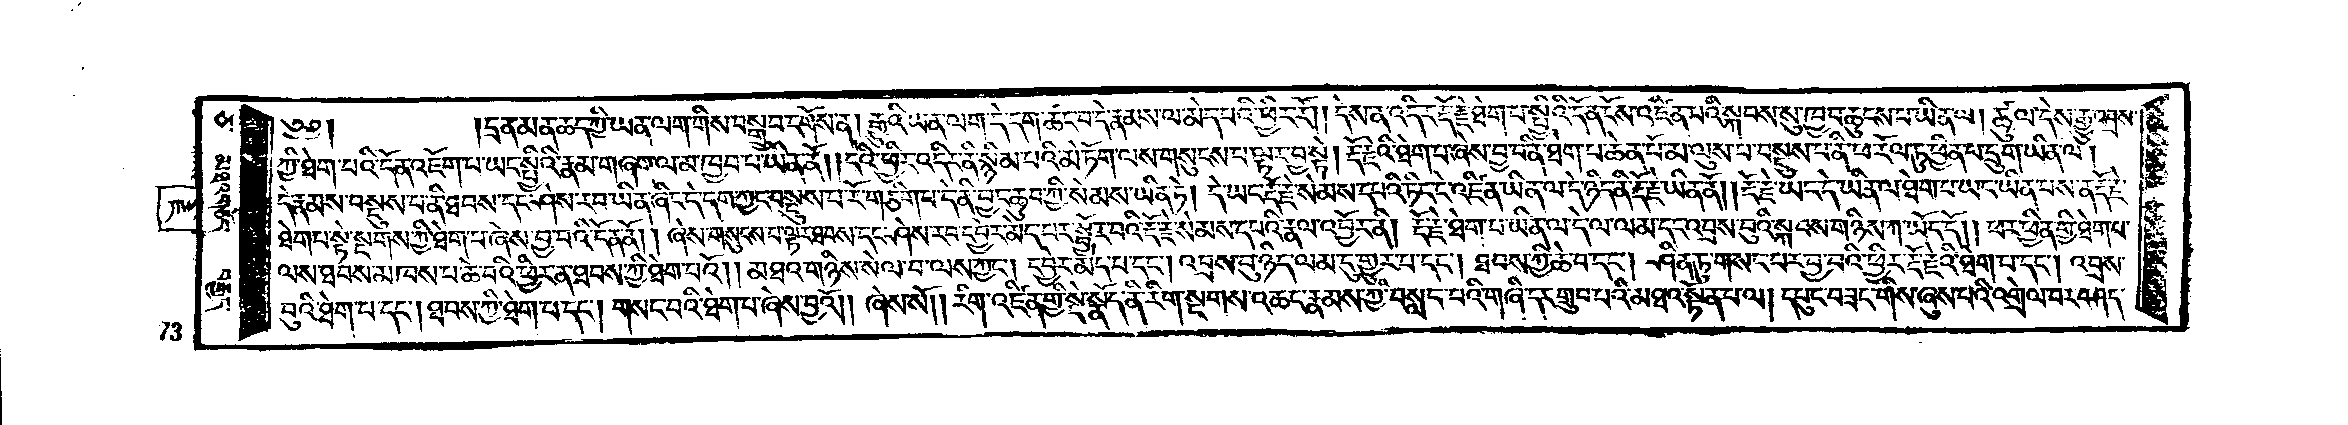༄༅། །དྲན་མན་ཆད་ཀྱི་ཡན་ལག་གིས་བསྒྲུབ་དགོས་ན། རྒྱུའི་ཡན་ལག་དེ་དག་ཚང་བ་དེ་རྣམས་ལ་མེད་པའི་ཕྱིར་རོ། །དེས་ན་འདིར་རྡོ་རྗེ་ཐེག་པ་སྤྱིའི་དོན་ངོས་འཛིན་པའི་སྐབས་སུ་ཁྱབ་ཆུངས་པ་ཡིན་ལ། ཚུལ་དེས་རྒྱུ་འབྲས་
ཀྱི་ཐེག་པའི་དོན་འཇོག་པ་ཡང་སྤྱིའི་རྣམ་གཞག་ལ་མ་ཁྱབ་པ་ཡིན་ནོ། །དེའི་ཕྱིར་འདིར་ནི་སྙིམ་པའི་མེ་ཏོག་ལས་གསུངས་པ་ལྟར་བྱ་སྟེ། རྡོ་རྗེའི་ཐེག་པ་ཞེས་བྱ་བ་ནི་ཐེག་པ་ཆེན་པོ་མ་ལུས་པ་བསྡུས་པ་ནི་ཕ་རོལ་ཏུ་ཕྱིན་པ་དྲུག་ཡིན་ལ།
དེ་རྣམས་བསྡུས་པ་ནི་ཐབས་དང་ཤེས་རབ་ཡིན་ཞིང་དེ་དག་ཀྱང་བསྡུས་པ་རོ་གཅིག་པ་དེ་ནི་བྱང་ཆུབ་ཀྱི་སེམས་ཡིན་ཏེ། དེ་ཡང་རྡོ་རྗེ་སེམས་དཔའི་ཏིང་ངེ་འཛིན་ཡིན་ལ་དེ་ཉིད་ནི་རྡོ་རྗེ་ཡིན་ནོ། །རྡོ་རྗེ་ཡང་དེ་ཡིན་ལ་ཐེག་པ་ཡང་ཡིན་པས་ན་རྡོ་རྗེ་
ཐེག་པ་སྟེ་སྔགས་ཀྱི་ཐེག་པ་ཞེས་བྱ་བའི་དོན་ནོ། །ཞེས་གསུངས་པ་ལྟར་ཐབས་དང་ཤེས་རབ་དབྱེར་མེད་པར་སྦྱོར་བའི་རྡོ་རྗེ་སེམས་དཔའི་རྣལ་འབྱོར་ནི། རྡོ་རྗེ་ཐེག་པ་ཡིན་ལ་དེ་ལ་ལམ་དང་འབྲས་བུའི་སྐབས་གཉིས་ཀ་ཡོད་དོ། །ཕར་ཕྱིན་གྱི་ཐེག་པ་
ལས་ཐབས་མཁས་པ་ཆེ་བའི་ཕྱིར་ན་ཐབས་ཀྱི་ཐེག་པའོ། །མཐའ་གཉིས་སེལ་བ་ལས་ཀྱང་། དབྱེར་མེད་པ་དང་། འབྲས་བུ་ཉིད་ལམ་དུ་གྱུར་པ་དང་། ཐབས་ཀྱི་ཆེ་བ་དང་། ཤིན་ཏུ་གསང་པར་བྱ་བའི་ཕྱིར་རྡོ་རྗེའི་ཐེག་པ་དང་། འབྲས་
བུའི་ཐེག་པ་དང་། ཐབས་ཀྱི་ཐེག་པ་དང་། གསང་བའི་ཐེག་པ་ཞེས་བྱའོ། །ཞེས་སོ། །རིག་འཛིན་གྱི་སྡེ་སྣོད་ནི་རིག་སྔགས་འཆང་རྣམས་ཀྱི་བསླབ་པའི་གཞི་དང་གྲུབ་པའི་མཐའ་སྟོན་པ་ལ། དཔུང་བཟང་གིས་ཞུས་པའི་འགྲེལ་བར་བཤད་